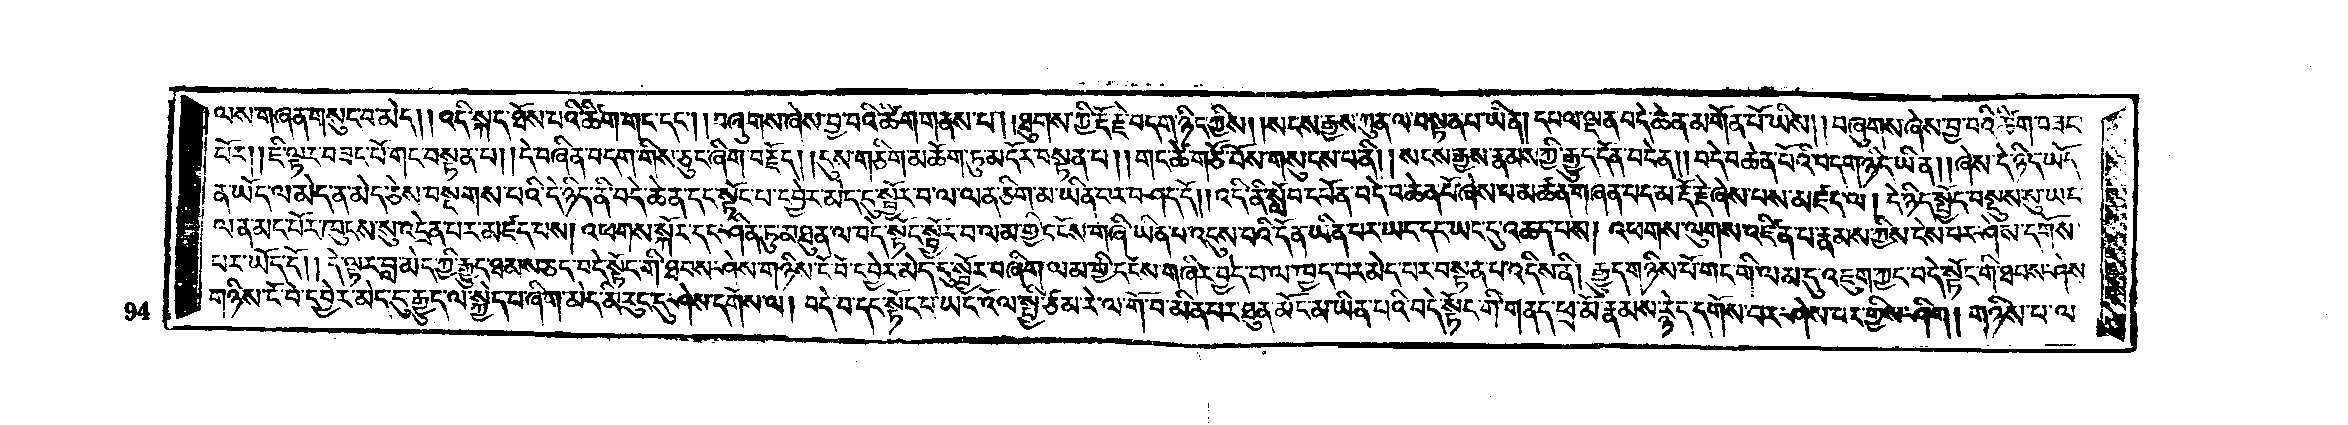ལས་གཞན་གསུང་བ་མེད། །འདི་སྐད་ཐོས་པའི་ཚིག་གང་དང་། །བཞུགས་ཞེས་བྱ་བའི་ཚིག་གནས་པ། །ཐུགས་ཀྱི་རྡོ་རྗེ་བདག་ཉིད་ཀྱིས། །སངས་རྒྱས་ཀུན་ལ་བསྟན་པ་ཡིན། དཔལ་ལྡན་བདེ་ཆེན་མགོན་པོ་ཡིས། །བཞུགས་ཞེས་བྱ་བའི་ཚིག་བཟང་
པོར། །ཇི་ལྟར་བཟང་པོ་གང་བསྟན་པ། །དེ་བཞིན་བདག་གིས་ཅུང་ཞིག་བརྗོད། །དུས་གཅིག་མཆོག་ཏུ་མདོར་བསྟན་པ། །གང་ཚེ་གཙོ་བོས་གསུངས་པ་ནི། །སངས་རྒྱས་རྣམས་ཀྱི་རྒྱུད་དོན་བདེན། །བདེ་བ་ཆེན་པོའི་བདག་ཉིད་ཡིན། །ཞེས་དེ་ཉིད་ཡོད་
ན་ཡོད་ལ་མེད་ན་མེད་ཅེས་བསྔགས་པའི་དེ་ཉིད་ནི་བདེ་ཆེན་དང་སྟོང་པ་དབྱེར་མེད་དུ་སྦྱོར་བ་ལ་ལན་ཅིག་མ་ཡིན་པར་བཤད་དོ། །འདི་ནི་སློབ་དཔོན་བདེ་བ་ཆེན་པོ་ཞེས་པ་མཚན་གཞན་པད་མ་རྡོ་རྗེ་ཞེས་པས་མཛད་ལ། དེ་ཉིད་སྤྱོད་བསྡུས་སུ་ཡང་
ལན་མང་པོར་ཁུངས་སུ་འདྲེན་པར་མཛད་པས། འཕགས་སྐོར་དང་ཤིན་ཏུ་མཐུན་ལ་བདེ་སྟོང་སྦྱོར་བ་ལམ་གྱི་དངོས་གཞི་ཡིན་པ་འདུས་པའི་དོན་ཡིན་པར་ཡང་དང་ཡང་དུ་འཆད་པས། འཕགས་ལུགས་འཛིན་པ་རྣམས་ཀྱིས་ངེས་པར་ཤེས་དགོས་
པར་ཡོད་དོ། །དེ་ལྟར་བླ་མེད་ཀྱི་རྒྱུད་ཐམས་ཅད་བདེ་སྟོང་གི་ཐབས་ཤེས་གཉིས་ངོ་བོ་དབྱེར་མེད་དུ་སྦྱོར་བ་ཞིག་ལམ་གྱི་དངོས་གཞིར་བྱེད་པ་ལ་ཁྱད་པར་མེད་པར་བསྟན་པ་འདིས་ནི། རྒྱུད་གཉིས་པོ་གང་གི་ལམ་དུ་འཇུག་ཀྱང་བདེ་སྟོང་གི་ཐབས་ཤེས་
གཉིས་ངོ་བོ་དབྱེར་མེད་དུ་རྒྱུད་ལ་སྐྱེད་པ་ཞིག་མེད་མི་རུང་དུ་ཤེས་དགོས་ལ། བདེ་བ་དང་སྟོང་པ་ཡང་འོལ་སྤྱི་ཙམ་རེ་ལ་གོ་བ་མིན་པར་ཐུན་མོང་མ་ཡིན་པའི་བདེ་སྟོང་གི་གནད་ཕྲ་མོ་རྣམས་རྙེད་དགོས་པར་ཤེས་པར་གྱིས་ཤིག །གཉིས་པ་ལ་